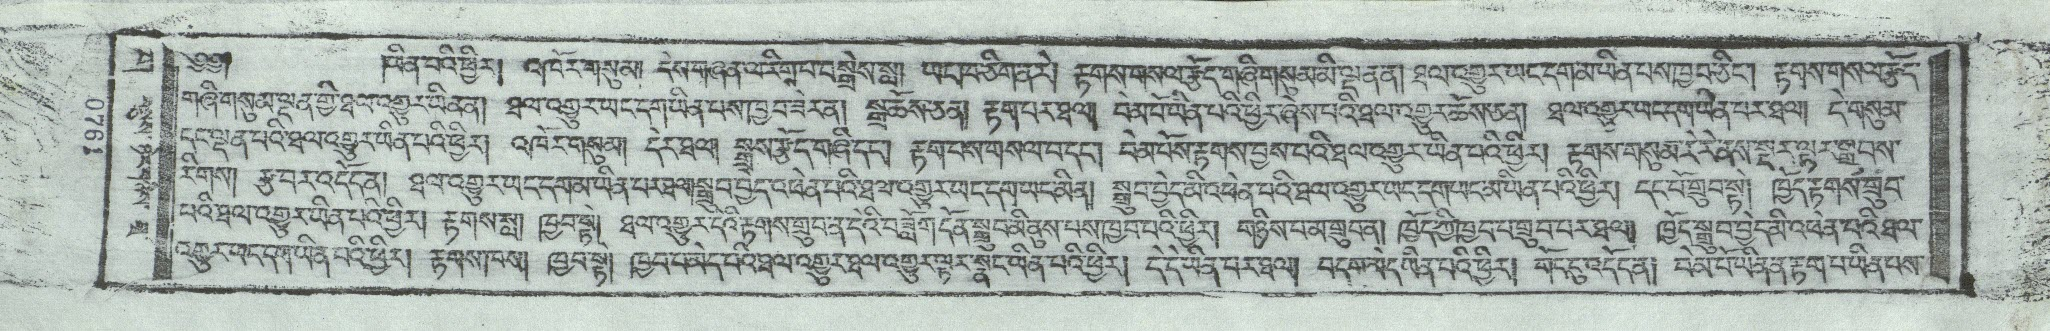༄༅། །ཡིན་པའི་ཕྱིར། འཁོར་གསུམ། དེས་གཞན་ལ་རིགས་པ་བསྒྲེས་སླ། ཡང་ཁ་ཅིག་ན་རེ། རྟགས་གསལ་རྩོད་གཞི་གསུམ་མི་ལྡན་ན། ཐལ་འགྱུར་ཡང་དག་མ་ཡིན་པས་ཁྱབ་ཅིང་། རྟགས་གསལ་རྩོད་
གཞི་གསུམ་ལྡན་གྱི་ཐལ་འགྱུར་ཡིན་ན། ཐལ་འགྱུར་ཡང་དག་ཡིན་པས་ཁྱབ་ཟེར་ན། སྒྲ་ཆོས་ཅན། རྟག་པར་ཐལ། བེམ་པོ་ཡིན་པའི་ཕྱིར་ཞེས་པའི་ཐལ་འགྱུར་ཆོས་ཅན། ཐལ་འགྱུར་ཡང་དག་ཡིན་པར་ཐལ། དེ་གསུམ་
དང་ལྡན་པའི་ཐལ་འགྱུར་ཡིན་པའི་ཕྱིར། འཁོར་གསུམ། དེར་ཐལ། སྒྲས་རྩོད་གཞི་དང་། རྟག་པས་གསལ་བ་དང་། བེམ་པོས་རྟགས་བྱས་པའི་ཐལ་འགྱུར་ཡིན་པའི་ཕྱིར། རྟགས་གསུམ་རེ་རེ་ནས་སྔར་ལྟར་སྒྲུབས་
རིགས། རྩ་བར་འདོད་ན། ཐལ་འགྱུར་ཡང་དག་མ་ཡིན་པར་ཐལ། སྒྲུབ་བྱེད་འཕེན་པའི་ཐལ་འགྱུར་ཡང་དག་ཡང་མིན། སྒྲུབ་བྱེད་མི་འཕེན་པའི་ཐལ་འགྱུར་ཡང་དག་ཡང་མ་ཡིན་པའི་ཕྱིར། དང་པོ་གྲུབ་སྟེ། ཁྱོད་རྟགས་གྲུབ་
པའི་ཐལ་འགྱུར་ཡིན་པའི་ཕྱིར། རྟགས་སླ། ཁྱབ་སྟེ། ཐལ་འགྱུར་དེའི་རྟགས་གྲུབ་ན་དེའི་བཟློག་དོན་སྒྲུབ་མི་ནུས་པས་ཁྱབ་པའི་ཕྱིར། གཉིས་པ་མ་གྲུབ་ན། ཁྱོད་ཀྱི་ཁྱབ་པ་གྲུབ་པར་ཐལ། ཁྱོད་སྒྲུབ་བྱེད་མི་འཕེན་པའི་ཐལ་
འགྱུར་ཡང་དག་ཡིན་པའི་ཕྱིར། རྟགས་ཁས། ཁྱབ་སྟེ། ཁྱབ་པ་མེད་པའི་ཐལ་འགྱུར་ཐལ་འགྱུར་ལྟར་སྣང་ཡིན་པའི་ཕྱིར། དེ་དེ་ཡིན་པར་ཐལ། བདག་མེད་ཡིན་པའི་ཕྱིར། གོང་དུ་འདོད་ན། བེམ་པོ་ཡིན་ན་རྟག་པ་ཡིན་པས་